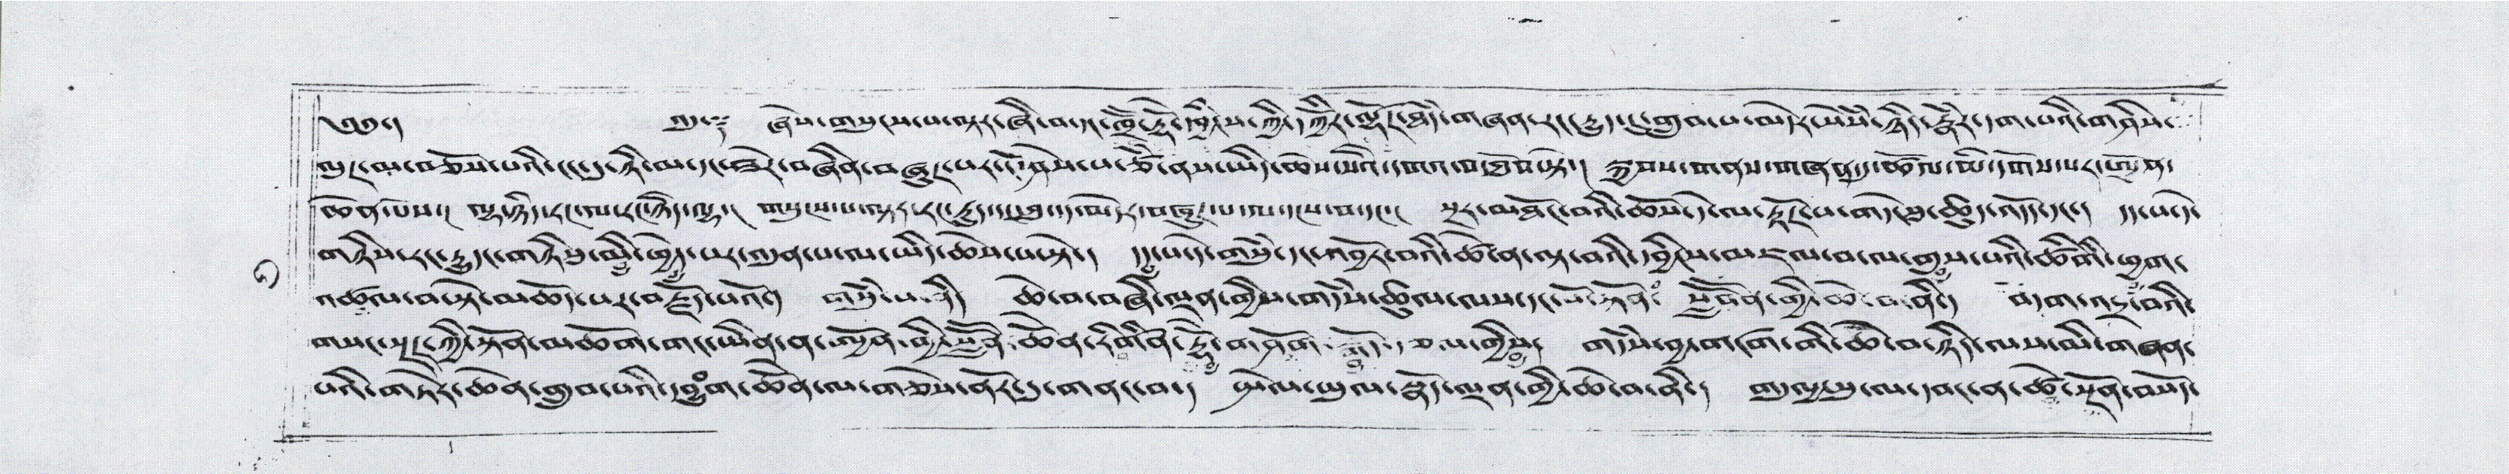འདུ། ཞེས་གསུངས་པ་ལྟར་ཞི་བ་དང་ཁྲོ་བོ་རྡོ་རྗེ་དབྱིངས་ཀྱི་དཀྱིལ་འཁོར་ལྷ་ཚོགས་ཐམས་ཅད་གཞན་རང་རྒྱུད་དུ་གྲུབ་པ་མེད་པར་སེམས་ཉིད་རྣམ་པར་དག་པའི་གཤིས་
ལུགས་མ་བཅོས་པའི་ངང་དུ་ཉི་མ་དང་ཟེར་བཞིན་བཞུགས་པར་ངོ་ཤེས་པ་ཙམ་ནས་ཡིད་ཆེས་པའི་དགའ་བ་ཐོབ་སྟེ། སྐྱབས་གནས་གཞན་དུ་ཚོལ་མི་དགོས་པར་ཨོ་རྒྱན་
ཆེན་པོས། ལྷ་ཉིད་རང་ལ་རང་ཉིད་ལྷ། གསུངས་པ་ལྟར་རང་རྒྱུད་དང་ཐ་དད་མེད་པར་བཞུགས་པ་ལ་དྭངས་པ་དང་། སྔར་མཐོང་བའི་ཆོས་དེ་ལ་རྟོགས་པ་གདེངས་སུ་ཚུད་འདོད་དང་། དད་པ་དེ་
གཉིས་རང་རྒྱུད་དང་གཉིས་སུ་མི་ཕྱེད་པར་འདུན་པ་ལ་ཡིད་ཆེས་པ་སྟེ། དད་པ་དེ་གསུམ་དང་འབྱོར་བའི་ཚེ་ན་ལྟ་བའི་དབྱིངས་མཇལ་བ་ལ་གུས་པའི་ཚིག་གིས་ཕྱག་
འཚལ་བ་སྟེ་མཆོད་པར་བརྗོད་པའོ། གསུམ་པ་ནི་ཆེ་བ་བཞི་ལྡན་གྱི་གདམས་ཚུལ་ལས། དང་པོ་སྟོན་པ་སློབ་དཔོན་གྱི་ཆེ་བ་ནི། བདག་འདྲ་བའི་
གསང་སྔགས་ཀྱི་སྟོན་མཆོག་གང་ཡིན་ན། ཨོ་རྒྱན་གྱི་སློབ་དཔོན་ཆེན་པོ་རིག་འཛིན་རྡོ་རྗེ་གཤོག་རྒོད་རྩལ་གྱིས། གདམས་བྱ་གང་ཟག་གི་ཆེ་བ་ཉིད་ལས་མི་གཞན་
པའི་གཏེར་ཆེན་གྲུབ་པའི་དབང་ཕྱུག་ཆེན་པོ་ལ་གཅེས་ནོར་དུ་གནང་བ། སྤེལ་ཡུལ་སྣོད་ལྡན་གྱི་ཆེ་བ་ནི། གདུལ་བྱ་སུ་ལ་དབང་ན་ཚེ་སྔོན་བསོད་